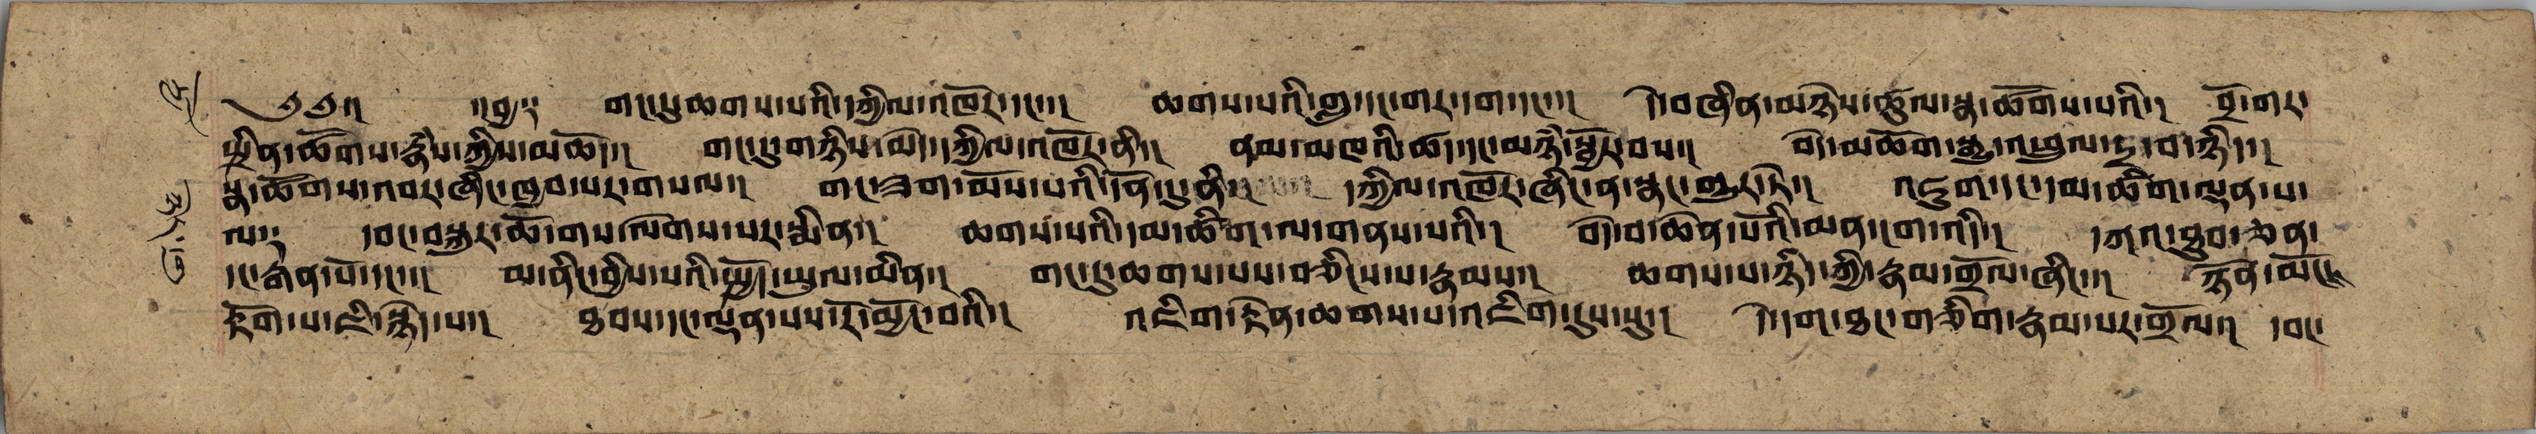༄༅་། ་།བྱ༑ གང་དུ་ཆགས་པའི་དཀྱིལ་འཁོར་དང་་། ཆགས་པའི་གླུ་དང་གར་དག་དང་་། དེ་བཞིན་མཉེས་ཚུལ་སྣ་ཚོགས་པའི་། བྲོ་གར་
སྤྲིན་ཚོགས་རྣཾས་ཀྱིས་མཆོད་། གང་དུ་གཉིས་མེད་དཀྱིལ་འཁོར་ནི་། ནམ་མཁའི་ཚད་དངམཉཾ་སྦྱོར་བས་། བདེ་མཆོག་སྒྱུ་འཕྲུལ་དྲ་བ་ཉིད་།
སྣ་ཚོགས་འབར་ཞིང་ཁྱབ་པར་གསལ་། གང་ཟག་མོས་པའི་དོན་དུ་ནི་། དཀྱིལ་འཁོར་ཞིང་ན་སྣང་གྱུར་ཏེ་། འཇུག་དང་དམ་ཚིག་ལྡན་པ་
ལ༑ དབང་བསྐུར་ཆོ་གས་ལེགས་པར་སྨིན་། ཆགས་པའི་དམ་ཚིག་ལ་གནས་པའི་། བདེ་བ་ཆེན་པོའི་མན་ངག་འདི་། དཀའ་ཐུབ་ཅན་
དང་རྒན་པོ་དང་་། མ་ནིང་བྱིས་པའི་སྤྱོད་ཡུལ་མིན་། གང་དུ་ཆགས་པས་བཅིངས་པ་རྣམས་། ཆགས་པ་ཉིད་ཀྱི་རྣམ་གྲོལ་ཞིང་་། ཉོན་མོངས
རྟོག་པ་ཇི་སྙེད་པ་། ཐབས་དང་ལྡན་པས་རོ་མྱོང་བའི་། འཇིག་རྟེན་ཆགས་པ་འཇིག་དུས་སུ་། དེ་དག་ཐང་གཅིག་རྣམ་པར་གྲོལ་། དབང་